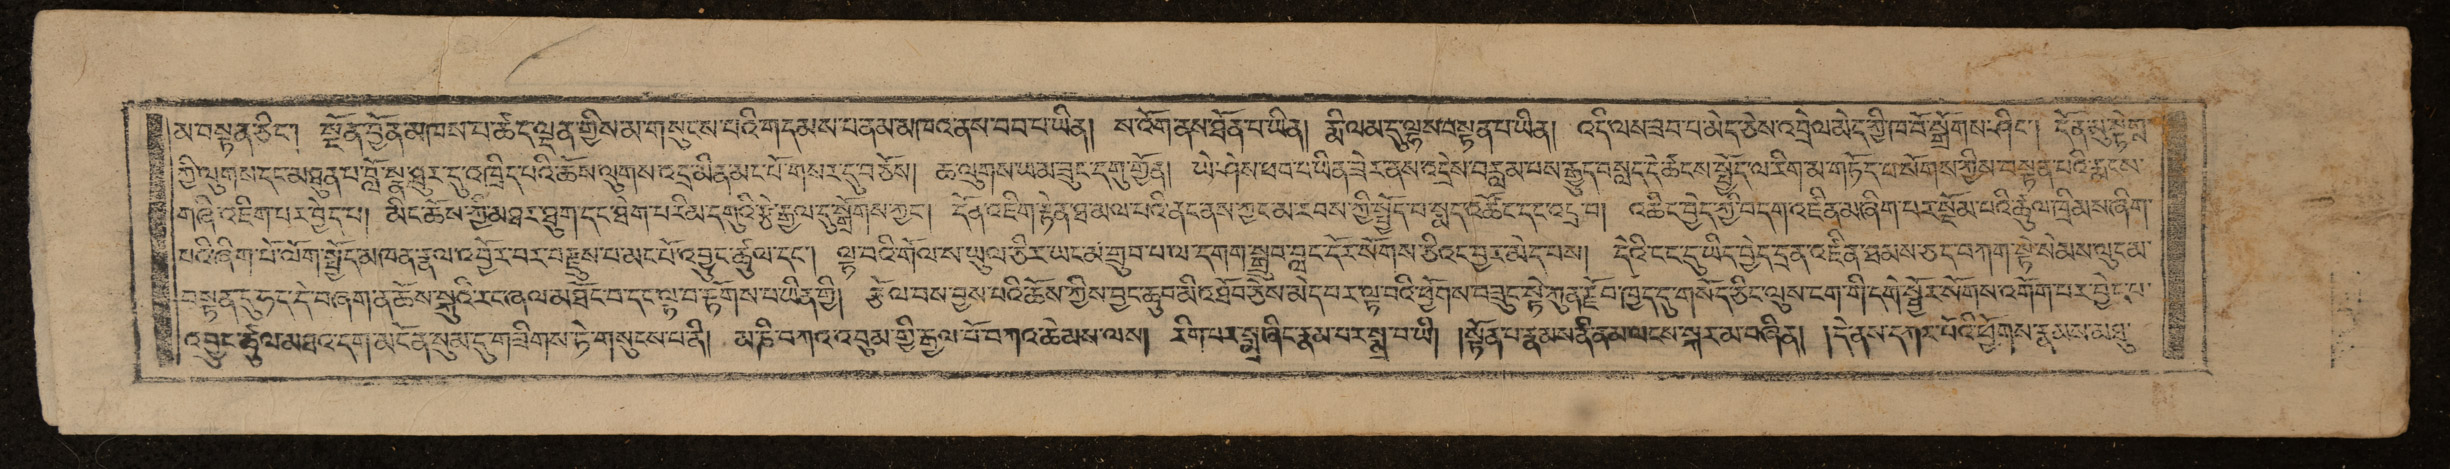མ་བསྟན་ཅིང་། སྔོན་བྱོན་མཁས་པ་ཚད་ལྡན་གྱིས་མ་གསུངས་པའི་གདམས་པ་ནམ་མཁའ་ནས་བབ་པ་ཡིན། ས་འོག་ནས་ཐོན་པ་ཡིན། རྨི་ལམ་དུ་ལྷས་བསྟན་པ་ཡིན། འདི་ལས་ཟབ་པ་མེད་ཅེས་འབྲེལ་མེད་ཀྱི་ཁ་པོ་སྒྲོགས་ཤིང་། དོན་མུ་སྟེགས་
ཀྱི་ལུགས་དང་མཐུན་པ་བློ་སྣ་ཐུར་དུ་འཁྲིད་པའི་ཆོས་ལུགས་འདྲ་མིན་མང་པོ་གསར་དུ་བཅོས། ཆ་ལུགས་ཡམ་ཟུང་དགུ་གྱོན། ཡེ་ཤེས་ཕབ་པ་ཡིན་ཟེར་ནས་འདྲེས་བརླམ་པས་རྒྱུད་བསླད་དེ་ཚངས་སྤྱོད་ལ་རིག་མ་གཏོད་པ་སོགས་ཀྱིས་བསྟན་པའི་རྨངས་
གཞི་འཇིག་པར་བྱེད་པ། མིང་ཆོས་ཀྱི་མཐར་ཐུག་དང་ཐེག་བ་རིམ་དགུའི་རྩེ་རྒྱལ་དུ་སྒྲོགས་ཀྱང་། དོན་འཇིག་རྟེན་ཐ་མལ་པའི་ནང་ནས་ཀྱང་མ་རབས་ཀྱི་སྤྱོད་པ་སྨད་འཚོང་དང་འདྲ་བ། འཆིང་ཕྱེད་ཀྱི་བདག་འཛིན་མ་ཞིག་པར་སྡོམ་པའི་ཚུལ་ཁྲིམས་ཞིག་
པའི་ཞིག་པོ་ལོག་སྤྱོད་མཁན་རྣལ་འབྱོར་པར་བརྫུས་པ་མང་པོ་འབྱུང་ཚུལ་དང་། ལྟ་བའི་གོལ་ས་ཡུལ་ཅིར་ཡང་མི་གྲུབ་པ་ལ་དགག་སྒྲུབ་བླང་དོ་སོགས་ཅིང་དབྱར་མེད་པས། དེའི་ངང་དུ་ཡིད་བྱེད་དྲན་འཛིན་ཐམས་ཅད་བཀག་སྟེ་སེམས་ལུང་མ་
བསྟན་དུ་ཧད་དེ་བཞག་ན་ཆོས་སྐུའི་རང་ཞལ་མཐོང་བ་དང་ལྟ་བ་རྟོགས་པ་ཡིན་གྱི། རྩོལ་བས་བྱས་པའི་ཆོས་ཀྱིས་བྱང་ཆུབ་མི་འཐོབ་ཅེས་མེད་པར་ལྟ་བའི་ཕྱོགས་བཟུང་སྟེ་ཀུན་རྫོབ་ཁྱད་དུ་གསོད་ཅིང་ལུས་ངག་གི་དགེ་སྦྱོར་སོགས་འགོག་པར་བྱེད་པ་
འབྱུང་ཚུལ་མཐའ་དག་མངོན་སུམ་དུ་གཟིགས་ཏེ་གསུངས་པ་ནི། མཎི་བཀའ་འབུམ་གྱི་རྒྱལ་པོ་བཀའ་ཆེ་མས་ལས། རིག་པར་སྨྲ་ཞིང་རྣམ་བར་སྨྲ་བ་ཡི། །སྟོན་པ་རྣམས་ནི་ནམ་ལངས་སྐར་མ་བཞིན། །དེ་ནས་དཀར་པོའི་ཕྱོགས་རྣམས་མཐུ་